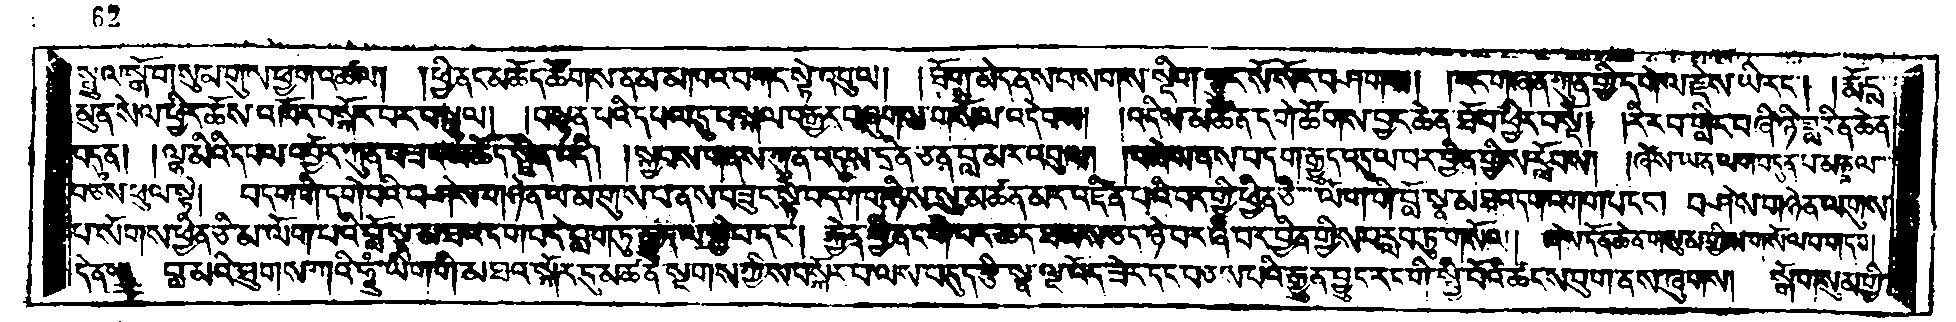སྤྲུལ་སྒོ་གསུམ་གུས་ཕྱག་འཚལ། །ཕྱི་ནང་མཆོད་ཚོགས་ནམ་མཁའ་བཀང་སྟེ་འབུལ། །ཐོགས་མེད་ནས་བསགས་སྡིག་ལྟུང་སོ་སོར་བཤགས། །རང་གཞན་ཀུན་གྱི་དགེ་ལ་རྗེས་ཡི་རང་། །རྨོངས་
མུན་སེལ་ཕྱིར་ཆོས་འཁོར་བསྐོར་བར་བསྐུལ། །བསྟན་པའི་དཔལ་དུ་བསྐལ་བརྒྱར་བཞུགས་གསོལ་འདེབས། །འདིས་མཚོན་དགེ་ཚོགས་བྱང་ཆེན་ཐོབ་ཕྱིར་བསྔོ། །རི་རབ་གླིང་བཞི་ཉི་ཟླ་རིན་ཆེན་
བདུན། །ལྷ་མིའི་དཔལ་འབྱོར་ཀུན་བཟང་མཆོད་སྤྲིན་འདི། །སྐྱབས་གནས་ཀུན་འདུས་དྲིན་ཅན་བླ་མར་འབུལ། །བཞེས་ནས་བདག་རྒྱུད་འདུལ་བར་བྱིན་གྱིས་རློབས། །ཞེས་ཡན་ལག་བདུན་པ་མཎྜལ་
བཅས་ཕུལ་སྟེ། བདག་གི་དགེ་བའི་བཤེས་གཉེན་ལ་མ་གུས་པ་ནས་བཟུང་སྟེ་བདག་གཉིས་སུ་མཚན་མར་འཛིན་པའི་བར་གྱི་ཕྱིན་ཅི་ལོག་གི་བློ་སྣ་མཐའ་དག་འགག་པ་དང་། བཤེས་གཉེན་ལ་གུས་
པ་སོགས་ཕྱིན་ཅི་མ་ལོག་པའི་བློ་སྣ་མཐའ་དག་བདེ་བླག་ཏུ་རྒྱུད་ལ་སྐྱེ་བ་དང་། རྐྱེན་ཕྱི་ནང་གི་བར་ཆད་ཐམས་ཅད་ཉེ་བར་ཞི་བར་བྱིན་གྱིས་བརླབ་ཏུ་གསོལ། ཞེས་དོན་ཆེན་གསུམ་གྱིས་གསོལ་བ་གདབ།
དེ་ནས། བླ་མའི་ཐུགས་ཀའི་ཧཱུཾ་ཡིག་གི་མཐའ་སྐོར་དུ་མཚན་སྔགས་ཀྱིས་བསྐོར་བ་ལས་བདུད་རྩི་སྣ་ལྔ་འོད་ཟེར་དང་བཅས་པའི་རྒྱུན་བྱུང་རང་གི་སྤྱི་བོའི་ཚངས་བུག་ནས་ཞུགས། སྒོ་གསུམ་གྱི་